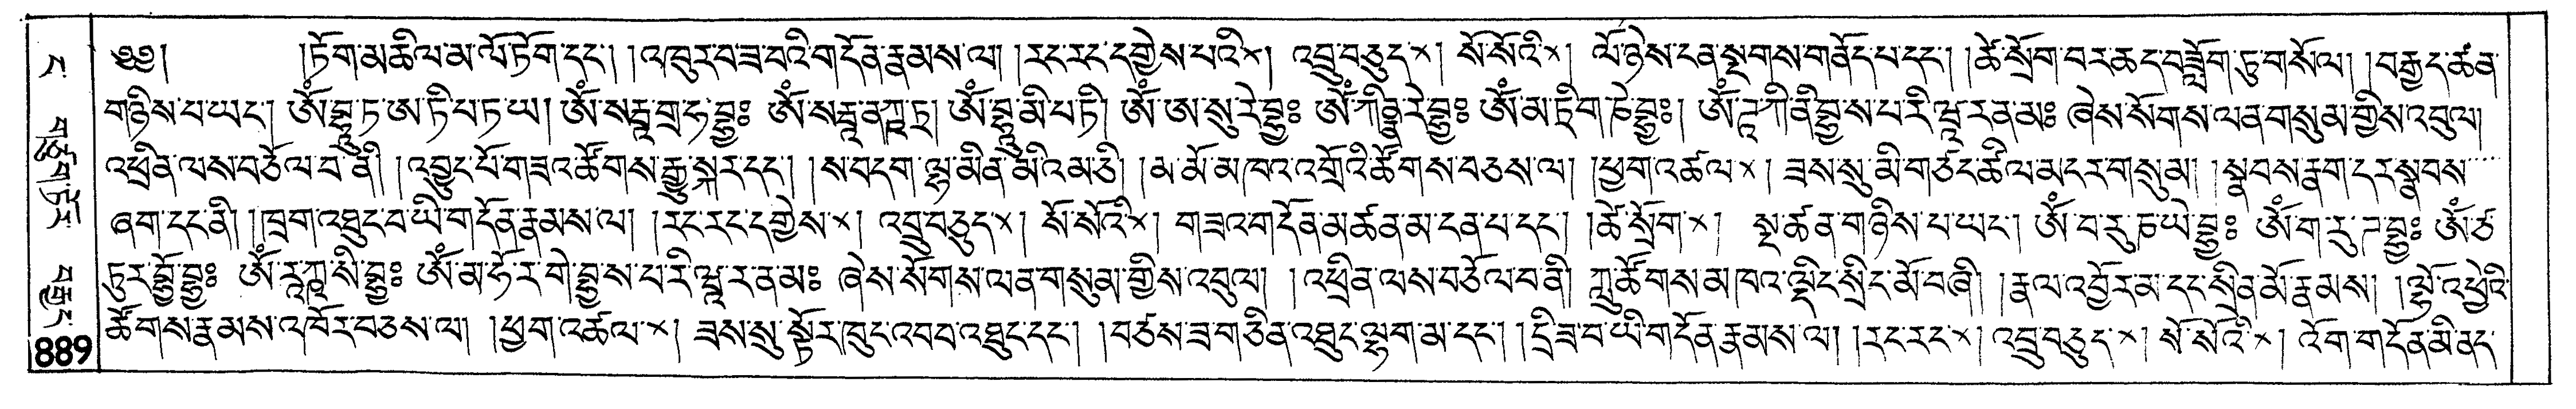༄༅། །ཏོག་མཆིལ་མ་ལོ་ཏོག་དང་། །འཁུར་བ་ཟ་བའི་གདོན་རྣམས་ལ། །རང་རང་དགྱེས་པའི་྾། འབྲུ་བཅུད་྾། སོ་སོའི་྾། ལོ་ཉེས་ངན་སྔགས་གནོད་པ་དང་། །ཚེ་སྲོག་བར་ཆད་བཟློག་ཏུ་གསོལ། །བརྒྱད་ཚན་
གཉིས་པ་ཡང་། ཨོཾ་བྷཱུ་ཏ་ཨ་ཏི་པ་ཏ་ཡ། ཨོཾ་སརྦཱ་གྲ་ཧ་བྷྱཿ ཨོཾ་སརྦཱ་ནཀྵ་ཏྲ། ཨོཾ་བྷཱུ་མི་པ་ཏི། ཨོཾ་ཨ་སུ་རེ་བྷྱཿ ཨོཾ་ཀིན་ན་རེ་བྷྱཿ ཨོཾ་མ་ཏྲི་ག་ཎེ་བྷྱཿ། ཨོཾ་ཌཱ་ཀི་ནི་བྷྱ་ས་པ་རི་ཝཱ་རན་མཿ ཞེས་སོགས་ལན་གསུམ་གྱིས་འབུལ།
འཕྲིན་ལས་བཅོལ་བ་ནི། །འབྱུང་པོ་གཟའ་ཚོགས་རྒྱུ་སྐར་དང་། །ས་བདག་ལྷ་མིན་མི་འམ་ཅི། །མ་མོ་མཁའ་འགྲོའི་ཚོགས་བཅས་ལ། །ཕྱག་འཚལ་྾། ཟས་སུ་མི་གཙང་ཚིལ་མངར་གསུམ། །སྣབས་རྣག་དར་སྣབས་
ཞག་དང་ནི། །ཁྲག་འཐུང་བ་ཡི་གདོན་རྣམས་ལ། །རང་རང་དགྱེས་྾། འབྲུ་བཅུད་྾། སོ་སོའི་྾། གཟའ་གདོན་མཚན་མ་ངན་པ་དང་། །ཚེ་སྲོག་྾། སྔ་ཚན་གཉིས་པ་ཡང་། ཨོཾ་བ་རུ་ཎ་ཡེ་བྷྱཿ ཨོཾ་ག་རུ་ཌ་བྷྱཿ ཨོཾ་ཙ་
ཏུར་བྷྱོ་བྷྱཿ ཨོཾ་རཱ་ཀྵ་སི་བྷྱཿ ཨོཾ་མ་ཧོ་ར་གེ་བྷྱ་ས་པ་རི་ཝཱ་ར་ན་མཿ ཞེས་སོགས་ལན་གསུམ་གྱིས་འབུལ། །འཕྲིན་ལས་བཅོལ་བ་ནི། ཀླུ་ཚོགས་མཁའ་ལྡིང་སྲིང་མོ་བཞི། །རྣལ་འབྱོར་མ་དང་སྲིན་མོ་རྣམས། །ལྷོ་འཕྱེའི་
ཚོགས་རྣམས་འཁོར་བཅས་ལ། །ཕྱག་འཚལ་྾། ཟས་སུ་སྟོར་ཁུང་འབབ་འཐུང་དང་། །བཙས་ཟ་གཅིན་འཐུང་ལྷག་མ་དང་། །དྲི་ཟ་བ་ཡི་གདོན་རྣམས་ལ། །རང་རང་྾། འབྲུ་བཅུད་྾། སོ་སོའི་྾། འོག་གདོན་མི་ནད་